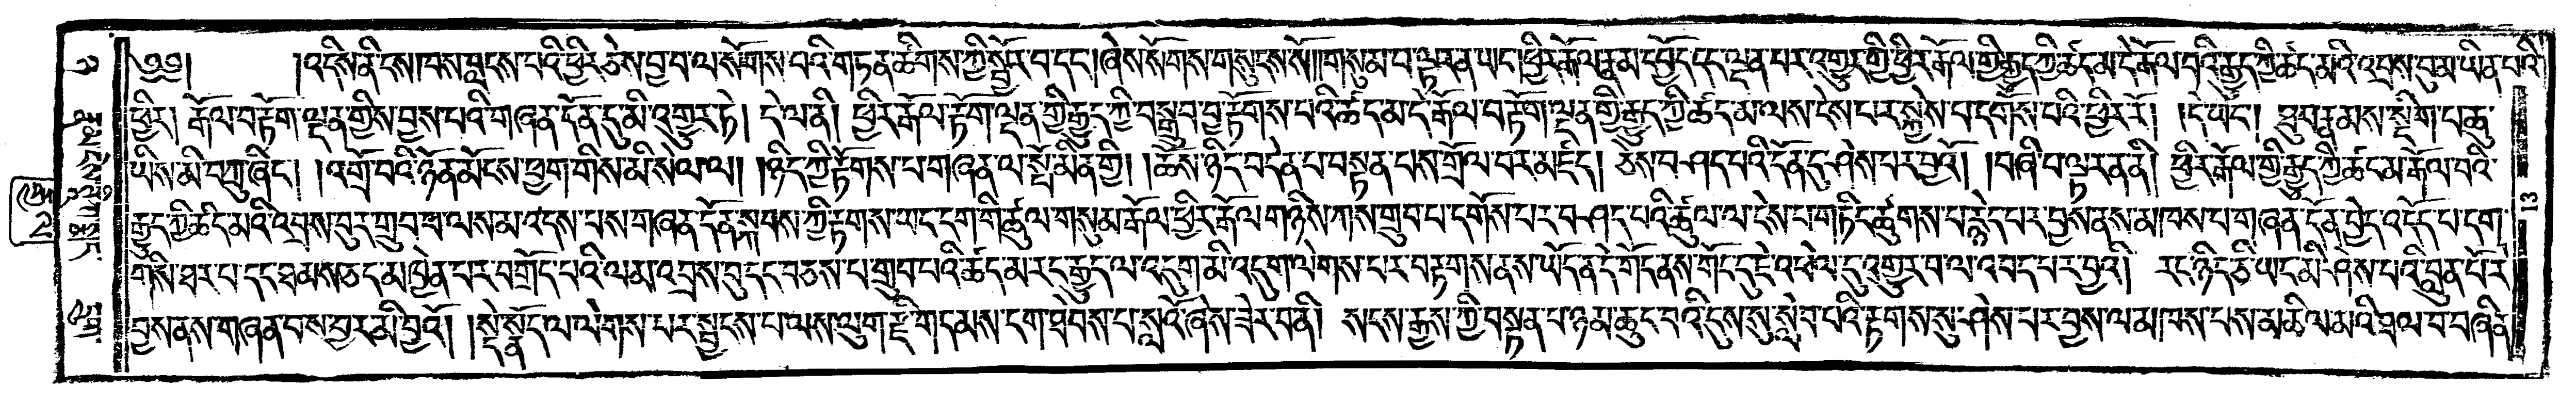༄༅། །འདིས་ནི་ངས་ཁས་བླངས་པའི་ཕྱིར་ཅེས་བྱ་བ་ལ་སོགས་པའི་གཏན་ཚིགས་ཀྱི་སྦྱོར་བ་དང་། ཞེས་སོགས་གསུངས་སོ། །གསུམ་པ་ལྟར་ན་ཡང་། ཕྱིར་རྒོལ་རྣམ་དཔྱོད་དང་ལྡན་པར་འགྱུར་གྱི་ཕྱིར་རྒོལ་གྱི་རྒྱུད་ཀྱི་ཚད་མ་དེ་རྒོལ་བའི་རྒྱུད་ཀྱི་ཚད་མའི་འབྲས་བུ་མ་ཡིན་པའི་
ཕྱིར། རྒོལ་བ་རྟོག་ལྡན་གྱིས་བྱས་པའི་གཞན་དོན་དུ་མི་འགྱུར་ཏེ། དེ་ལ་ནི། ཕྱིར་རྒོལ་རྟོག་ལྡན་གྱི་རྒྱུད་ཀྱི་བསྒྲུབ་བྱ་རྟོགས་པའི་ཚད་མ་དེ་རྒོལ་བ་རྟོག་ལྡན་གྱི་རྒྱུད་ཀྱི་ཚད་མ་ལས་ངེས་པར་སྐྱེས་པ་དགོས་པའི་ཕྱིར་རོ། །དེ་ཡང་། ཐུབ་རྣམས་སྡིག་པ་ཆུ་
ཡིས་མི་བཀྲུ་ཞིང་། །འགྲོ་བའི་ཉོན་མོངས་ཕྱག་གིས་མི་སེལ་ལ། །ཉིད་ཀྱི་རྟོགས་པ་གཞན་ལ་སྤོ་མིན་གྱི། །ཆོས་ཉིད་བདེན་པ་བསྟན་པས་གྲོལ་བར་མཛད། ཅེས་བཤད་པའི་དོན་དུ་ཤེས་པར་བྱའོ། །བཞི་པ་ལྟར་ན་ནི། ཕྱིར་རྒོལ་གྱི་རྒྱུད་ཀྱི་ཚད་མ་རྒོལ་བའི་
རྒྱུད་ཀྱི་ཚིད་མའི་འབྲས་བུར་གྲུབ་པ་ལས་མ་འདས་པས་གཞན་དོན་སྐབས་ཀྱི་རྟགས་ཡང་དག་གི་ཚུལ་གསུམ་རྒོལ་ཕྱིར་རྒོལ་གཉིས་ཀས་གྲུབ་པ་དགོས་པར་བཤད་པའི་ཚུལ་ལ་ངེས་པ་གཏིང་ཚུགས་པ་རྙེད་པར་བྱས་ནས་མཁས་པ་གཞན་དོན་བྱེད་འདོད་པ་དག་
གིས་ཐར་པ་དང་ཐམས་ཅད་མཁྱེན་པར་བགྲོད་པའི་ལམ་འབྲས་བུ་དང་བཅས་པ་གྲུབ་པའི་ཚད་མ་རང་རྒྱུད་ལ་འདུག་མི་འདུག་ལེགས་པར་བརྟགས་ནས་ཡོད་ན་དེ་གོང་ནས་གོང་དུ་ཇེ་འཕེལ་དུ་འགྱུར་བ་ལ་འབད་པར་བྱའི། རང་ཉིད་ཅི་ཡང་མི་ཤེས་པའི་བླུན་པོར་
བྱས་ནས་གཞན་པས་བྱར་མི་བྱའོ། །སྡེ་སྣོད་ལ་ལེགས་པར་སྦྱངས་པ་ལས་ལུག་རྫི་གདམས་ངག་ཐེབས་པ་སླའོ་ཞེས་ཟེར་བ་ནི། སངས་རྒྱས་ཀྱི་བསྟན་པ་ཉམ་ཆུང་བའི་དུས་སུ་སླེབ་པའི་རྟགས་སུ་ཤེས་པར་བྱས་ལ་མཁས་པས་མཆི་ལ་མའི་ཐལ་བ་བཞིན་